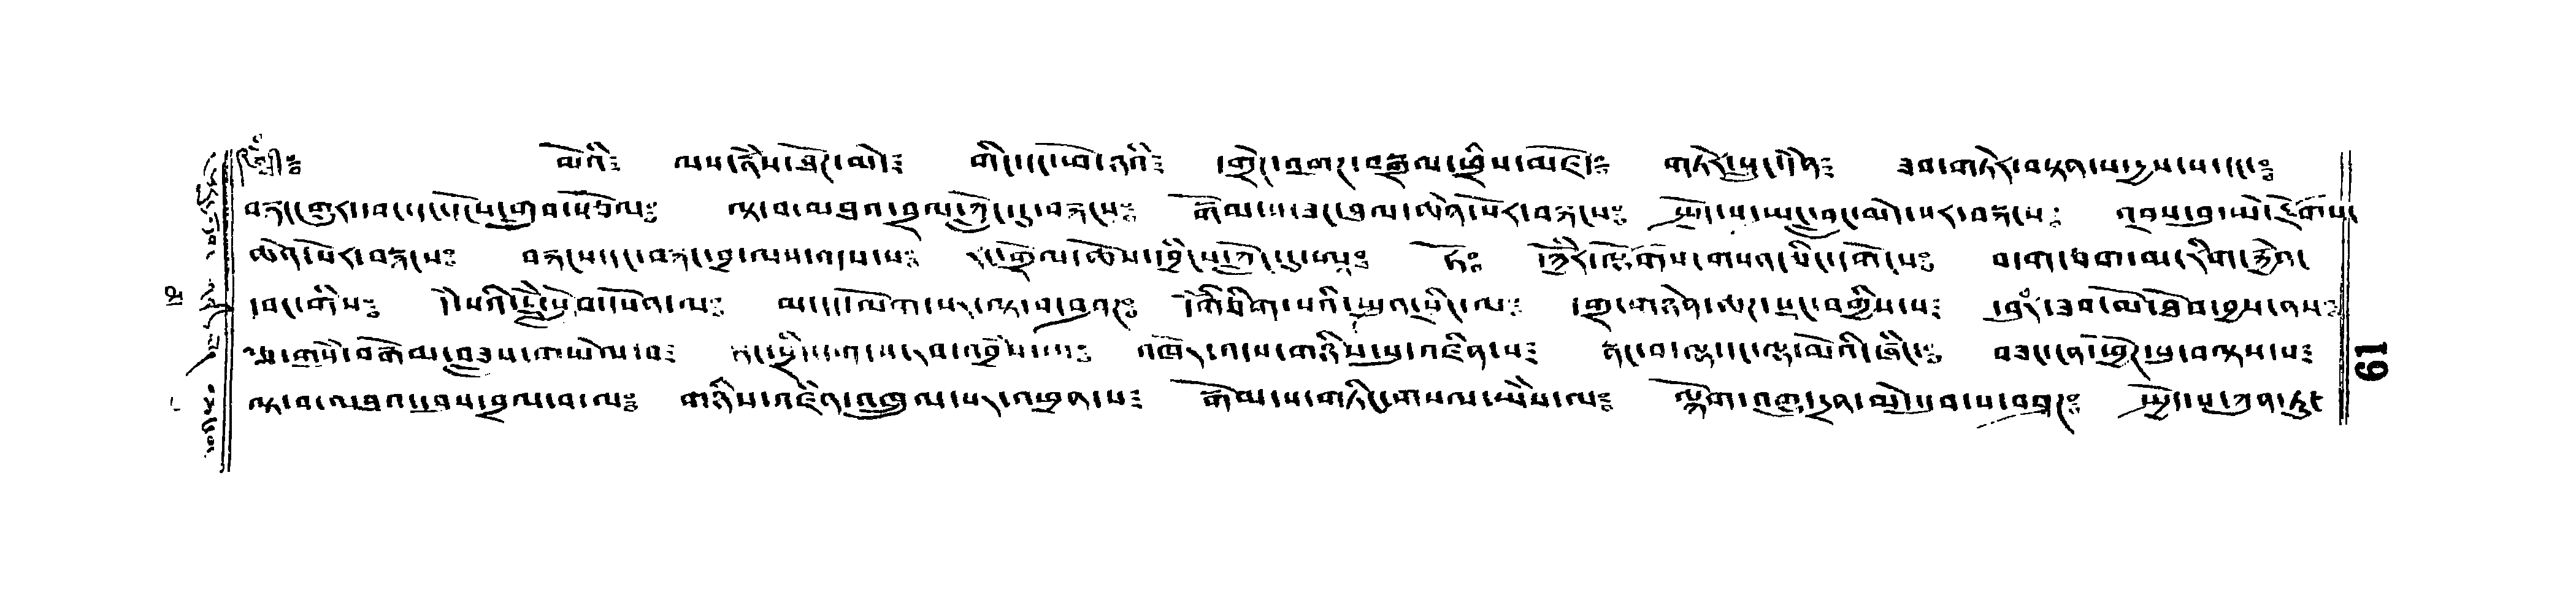མོའི༴ ལས་རྣམས་ཐོགས་མེད༴ གིང་དང་ཕོ་ཉའི༴ དགྲ་བགེགས་འགུགས་བསྒྲལ་ཕྲིན་ལས་མཛོད༔ གཏེར་སྲུང་དམ་ཅན༴ ཟབ་གཏེར་བསྟན་པ་རྒྱས་པ་དང༔ 
བསྐང་གྱུར་དབང་དང་དངོས་གྲུབ་སྩོལ༔ ལྟ་བ་མཐའ་བྲལ་ཀློང་དུ་བསྐང༔ སྒོམ་པ་ཟང་ཐལ་ཆེན་པོར་བསྐང༔ སྤྱོད་པ་སྤང་བླང་མེད་པར་བསྐང༔ འབྲས་བུ་ཡེ་རྫོགས་
ཆེན་པོར་བསྐང༔ བསྐང་དང་བསྐང་བྱ་ལས་འདས་པ༔ རང་གྲོལ་ཆོས་དབྱིངས་ཀློང་དུ་ཨཱཿ ཧོ༔ དཀྱིལ་འཁོར་ལྷ་ཚོགས་གསན་ཅིང་དགོངས༔ བདག་ཅག་མ་རིག་རྐྱེན་
དབང་གིས༔ དམ་པའི་རྡོ་རྗེ་སློབ་དཔོན་ལ༔ མ་དད་ལོག་པར་ལྟ་བ་བཤགས༔ དམ་ཚིག་གཅིག་པའི་སྤུན་སྲིང་ལ༔ དགྲ་གཉེན་ཆགས་སྡང་བགྱིས་པ༴ དབང་སྐུར་ཟབ་མོ་ཐོབ་བྱས་ནས༔ 
རྩ་གསུམ་བསྒོམ་བཟླས་གཡེལ་བ༴ སྣང་སྲིད་དག་པ་རབ་འབྱམས་ལ༔ འཁོར་འདས་གཉིས་སུ་འཛིན་པ༴ སྣང་བ་ལྷ་དང་ལྷ་མོའི་ཞིང༔ བཟང་ངན་ཕྱོགས་སུ་བལྟས་པ༴ 
ལྟ་བ་མཐའ་དབུས་བྲལ་བ་ལ༔ གཉིས་འཛིན་འཁྲུལ་པར་འཕྱན་པ༴ སྒོམ་པ་གཏིང་གསལ་ཡེ་ཤེས་ལ༔ འོག་འགྱུ་དྲན་མེད་དུབ་པ་བཤགས༔ སྤྱོད་པ་ཀུན་ཏུ་